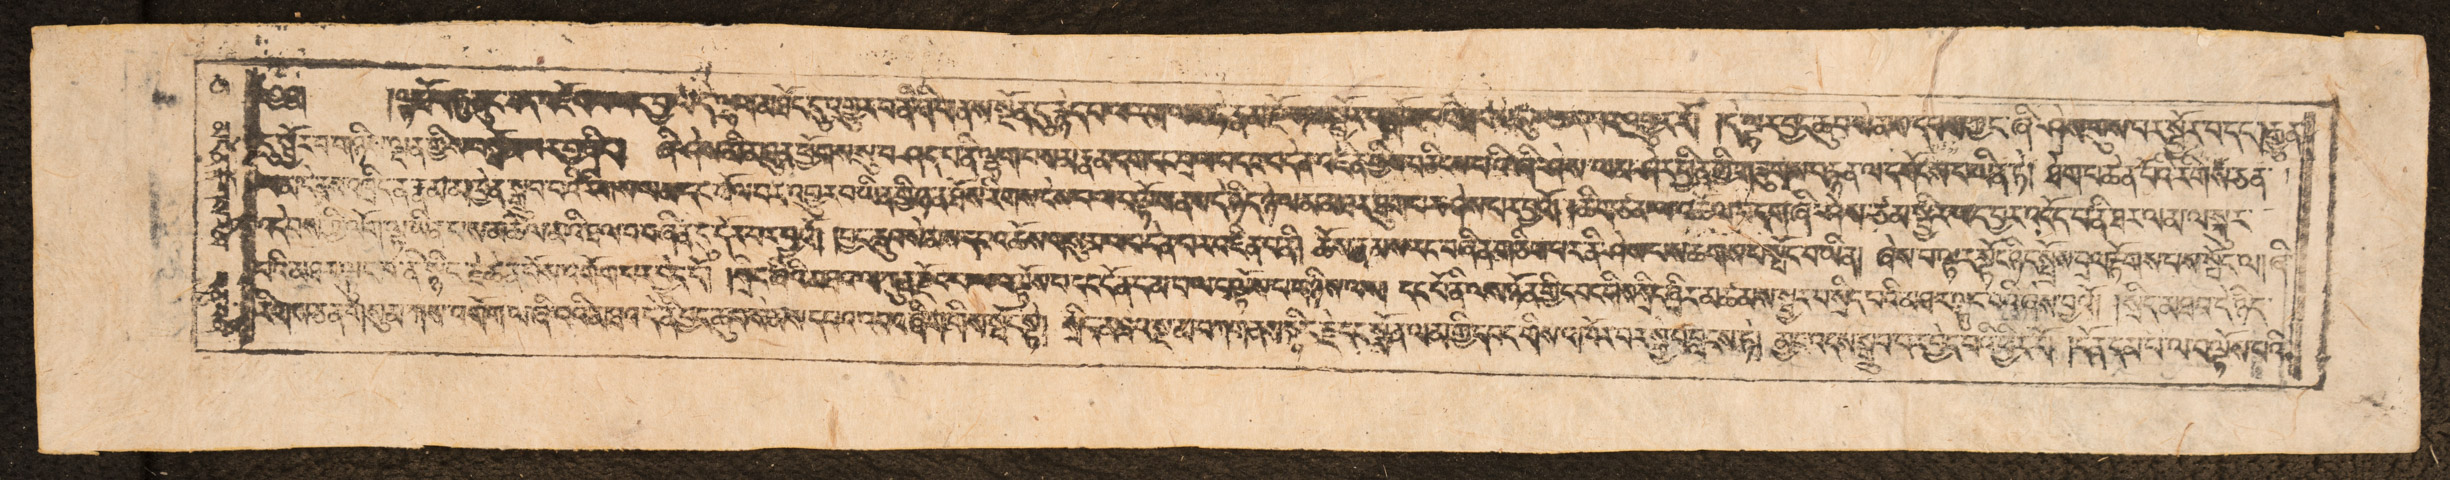༄༅། །ལྟ་ཐོག་ཏུ་ཅུང་ཟད་འཇོག་པ་ཡང་བྱ་ལ་དེ་ལྷག་མཐོང་དུ་འགྱུར་བ་ནི་ཞི་གནས་སྔོན་དུ་རྙེད་པ་ལ་རག་ལས་ཏེ་རྣམ་རྫོགས་སྦྱོར་བ་སྒོམ་པའི་སྐབས་སུ་འཆད་པར་འགྱུར་རོ། །དེ་ལྟར་བྱང་ཆུབ་སེམས་དཔས་ཀྱང་ཞི་ཤེས་གུས་པར་སྦྱོར་བ་དང་། རྒྱུན་
དུ་སྦྱོར་བ་གཉིས་ལྡན་གྱིས་བསྒོམ་པར་བྱ་ཞིང་། ཞི་ཤེས་མི་མཐུན་ཕྱོགས་སུ་བཤད་པ་ནི་ལྷག་བསམ་རྣམ་དག་དང་བྲལ་བ་དང་བདེན་འཛིན་གྱིས་བཅིངས་པའི་ཞི་ཤེས་ལམ་ཤེར་ཕྱིན་གྱི་གཟུགས་བརྙན་ལ་དགོངས་པ་ཡིན་ཏེ། ཐེག་པ་ཆེན་པོའི་རིགས་ཅན་
ལམ་དེ་ནས་འཁྲིད་ན་རྣམ་མཁྱེན་སྒྲུབ་པའི་རིགས་ལམ་དང་གོལ་བར་འགྱུར་བ་ཡིན་གྱི་ཉན་ཐོས་རིགས་ངེས་པ་ལ་བལྟོས་ནས་དེ་ཉིད་ཉེ་ལམ་མཐར་ཐུག་པར་ཤེས་པར་བྱའོ། །ཚིག་ཙམ་ལ་འཆོལ་བ་དག་ཞི་ཤེས་ཙམ་སྤྱིར་ཡང་བྱར་འདོད་པ་ནི་ཐར་ལམ་ལ་སྐུར་
འདེབས་ཀྱི་ལོག་ལྟ་ཡིན་པས་མཆིལ་མའི་ཐལ་བ་བཞིན་དུ་དོར་བར་བྱའོ། །བྱང་ཆུབ་སེམས་དཔའ་ཆོས་གསུམ་ལ་བདེན་པར་འཛིན་པ་ནི། ཆོས་རྣམས་རང་བཞིན་གཅིག་པར་ནི་ཤེས་པས་ཆགས་པ་སྤོང་བ་ཡིན། ཞེས་པ་ལྟར་སྟོང་ཉིད་སྤྲོས་བྲལ་རྟོགས་པས་སྤོང་ལ། ཞི་
པའི་མཐར་ལྟུང་བ་ནི་སྙིང་རྗེ་ཆེན་པོས་འགོག་པར་བྱེད་དོ། །སྲིད་ཞིའི་མཐའ་ལ་ཀུན་རྫོབ་པ་ལ་བལྟོས་པ་དང་དོན་དམ་པ་ལ་བལྟོས་པ་གཉིས་ལས། དང་པོ་ནི་ལས་ཉོན་གྱི་དབང་གིས་སྲིད་བཞིར་?་མཚམས་སྦྱར་བ་སྲིད་པའི་མཐར་ལྟུང་བའི་ཞེས་བྱའོ། །སྲིད་མཐའ་དེ་ཉིད་
རིགས་ཅན་གསུམ་ཀས་འགོག་ལ་ཞི་བའི་མཐའ་དེ་ནི་བྱང་ཆུབ་སེམས་དཔའ་འབའ་ཞིག་གིས་སྤོང་སྟེ། སྲིད་མཐའ་སྔ་མ་བཀག་ནས་སྙིང་རྗེ་དང་སྨོན་ལམ་གྱི་དབང་གིས་འཁོར་བར་སྐྱེ་བ་བླངས་ཏེ། མྱང་འདས་སྒྲུབ་པར་བྱེད་པའི་ཕྱིར་རོ། །དོན་དམ་པ་ལ་བལྟོས་པའི་